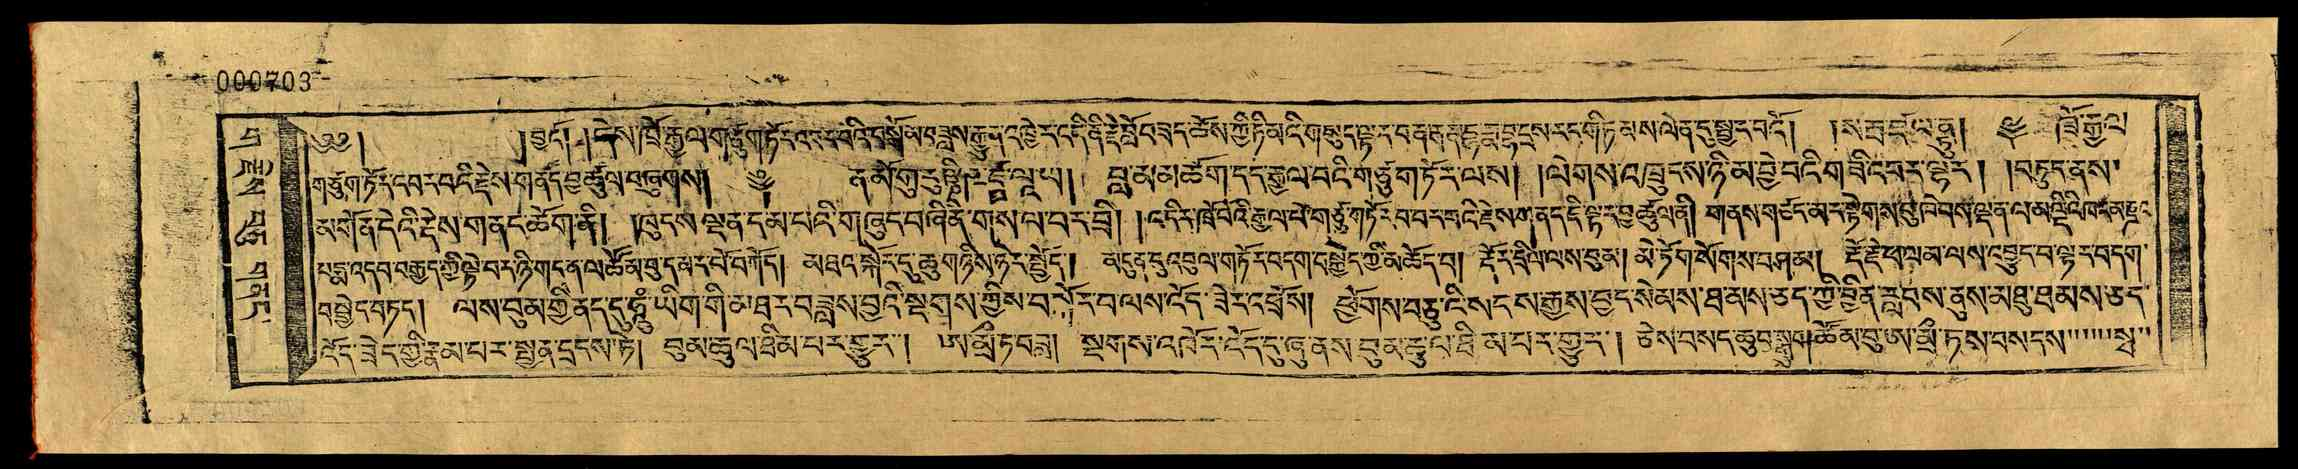༄༅། །བྱའོ། །ཞེས་ཁྲོ་རྒྱལ་གཙུག་ཏོར་འབར་བའི་བསྒོམ་བཟླས་རྒྱུན་འཁྱེར་འདི་ནི་རྗེ་བློ་བཟང་ཆོས་ཀྱི་ཉི་མའི་གསུང་ལྟར་བན་རྒན་དྷརྨ་བྷ་དྲས་རང་གི་ཉམས་ལེན་དུ་སྦྱར་བའོ། །སརྦ་ཛ་ཡནྟུ། ༈ ཁྲོ་རྒྱལ་
གཙུག་ཏོར་འབར་བའི་རྗེས་གནང་བྱ་ཚུལ་བཞུགས། ༈ ན་མོ་གུ་རུ་ཥིཎཱ་ཥ་ཛྭ་ལཱ་ཡ། བླ་མ་མཆོག་དང་རྒྱལ་བའི་གཙུག་ཏོར་ལས། །ལེགས་འཁྲུངས་ཉི་མ་བྱེ་བའི་གཟི་འབར་ལྷར། །བཏུད་ནས་
མགོན་དེའི་རྗེས་གནང་ཆོ་ག་ནི། །ཁུངས་ལྡན་དམ་པའི་གཞུང་བཞིན་གསལ་བར་བྲི། །འདིར་ཁྲོ་བོའི་རྒྱལ་པོ་གཙུག་ཏོར་འབར་བའི་རྗེས་གནང་ཇི་ལྟར་བྱ་ཚུལ་ནི། གནས་གཙང་མར་སྟེགས་བུ་ཁེབས་ལྡན་ལ་མཛིའི་ཁར་མཎྜལ་
པདམ་འདབ་བརྒྱད་ཀྱི་ལྟེ་བར་ཉི་གདན་ལ་ཚོམ་བུ་དམར་པོ་བཀོད། མཐའ་སྐོར་དུ་ཆུ་གཉིས་ཉེར་སྤྱོད། མདུན་དུ་འབུལ་གཏོར་བདག་བསྐྱེད་ཀྱི་མཆོད་པ། རྡོར་དྲིལ་ལས་བུམ། མེ་ཏོག་སོགས་བཤམ། རྡོ་རྗེ་ཕ་ལམ་ལས་འབྱུང་པ་ལྟར་བདག་
བསྐྱེད་བཏང་། ལས་བུམ་གྱི་ནང་དུ་ཧཱུཾ་ཡིག་གི་མཐར་བཟླས་བྱའི་སྔགས་ཀྱིས་བསྐོར་བ་ལས་འོད་ཟེར་འཕྲོས། ཕྱོགས་བཅུའི་སངས་རྒྱས་བྱང་སེམས་ཐམས་ཅད་ཀྱི་བྱིན་རླབས་ནུས་མཐུ་ཐམས་ཅད་
འོད་ཟེར་གྱི་རྣམ་པར་སྤྱན་དྲངས་ཏེ། བུམ་ཆུ་ལ་ཐིམ་པར་གྱུར། ཨྀ་སྨྲ་ཏ་བཟླ། སྔགས་འཁོར་འོད་དུ་ཞུ་ནས་བུམ་ཆུ་ལ་ཐིམ་པར་གྱུར། ཅེས་བསང་ཆུ་བསྒྲུབ།  ཚོམ་བུ་ཨྀ་མྲ་ཏས་བསངས། སྤ་